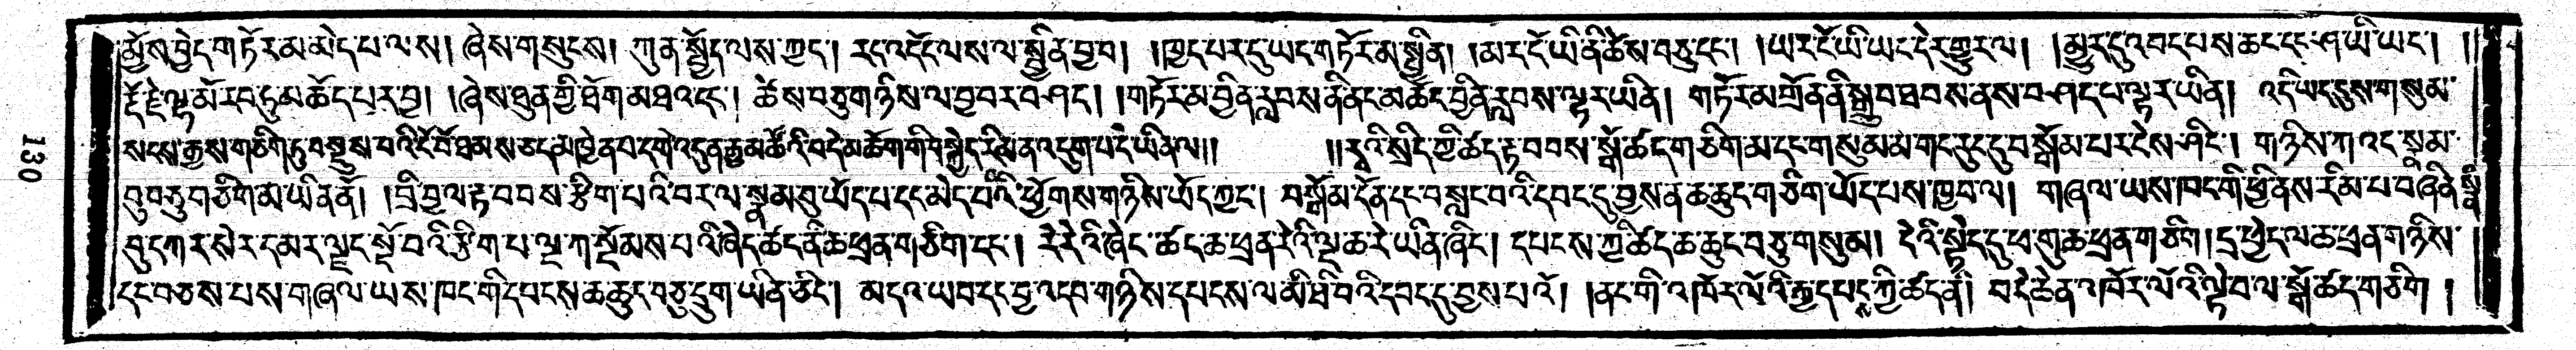མྱོས་བྱེད་གཏོར་མ་མེད་པ་ལས། ཞེས་གསུངས། ཀུན་སྤྱོད་ལས་ཀྱང་། རང་འདོད་ལས་ལ་སྦྱིན་བྱ་བ། །ཁྱད་པར་དུ་ཡང་གཏོར་མ་སྤྱིན། །མར་ངོ་ཡི་ནི་ཚེས་བཅུ་དང་། །ཡར་ངོ་ཡི་ཡང་དེར་གྱུར་ལ། །མྱུར་དུ་འབད་པས་ཆང་དང་ཤ་ཡི་ཡང་། །
རྡོ་རྗེ་ལྷ་མོ་རབ་ཏུ་མཆོད་པར་བྱ། །ཞེས་ཐུན་གྱི་ཐོག་མཐའ་དང་། ཚེས་བཅུ་གཉིས་ལ་བྱ་བར་བཤད། །གཏོར་མ་བྱིན་རླབས་ནི་ནང་མཆོད་བྱིན་རླབས་ལྟར་ཡིན། གཏོར་མགྲོན་ནི་སྒྲུབ་ཐབས་ནས་བཤད་པ་ལྟར་ཡིན། འདི་ཡང་དུས་གསུམ་
སངས་རྒྱས་གཅིག་ཏུ་བསྡུས་པའི་ངོ་བོ་ཐམས་ཅད་མཁྱེན་བ་དགེ་འདུན་རྒྱ་མཚོའི་བདེ་མཆོག་གི་བསྐྱེད་རིམ་ན་འདུག་པ་དེ་ཡིན་ལ།། །།རྭའི་སྲིད་ཀྱི་ཚད་རྟ་བབས་སྒོ་ཚད་གཅིག་མ་དང་གསུམ་མ་གང་རུང་དུ་བསྒོམ་པར་ངེས་ཤིང་། གཉིས་ཀའང་སྣམ་
བུ་བཅུ་གཅིག་མ་ཡིན་ནོ། །བྲི་བྱ་ལ་རྟ་བབས་རྩིག་པའི་བར་ལ་སྣམ་བུ་ཡོད་པ་དང་མེད་པའི་ཕྱོགས་གཉིས་ཡོད་ཀྱང་། བསྒོམ་དོན་དང་བསླང་བའི་དབང་དུ་བྱས་ན་ཆ་ཆུང་གཅིག་ཡོད་པས་ཁྱབ་ལ། གཞལ་ཡས་ཁང་གི་ཕྱི་ནས་རིམ་པ་བཞིན་སྣཾ་
བུ་དཀར་སེར་དམར་ལྗང་སྡོ་བའི་རྩིག་པ་ལྔ་ཀ་སྡོམས་པའི་ཞེད་ཚད་ནི་ཆ་ཕྲན་གཅིག་དང་། རེ་རེའི་ཞེང་ཚད་ཆ་ཕྲན་རེའི་ལྔ་ཆ་རེ་ཡིན་ཞིང་། དཔངས་ཀྱི་ཚད་ཆ་ཆུང་བཅུ་གསུམ། དེའི་སྟེང་དུ་ཕ་གུ་ཆ་ཕྲན་གཅིག །དྲ་ཕྱེད་ལ་ཆ་ཕྲན་གཉིས་
དང་བཅས་པས་གཞལ་ཡས་ཁང་གི་དཔངས་ཆ་ཆུང་བཅུ་དྲུག་ཡིན་ཅིང་། མདའ་ཡབ་དང་བྱ་འདབ་གཉིས་དཔངས་ལ་མི་ཐི་བའི་དབང་དུ་བྱས་པའོ། །ནང་གི་འཁོར་ལོའི་རྒྱ་དཔངས་ཀྱི་ཚད་ནི། བདེ་ཆེན་འཁོར་ལོའི་ལྟེ་བ་ལ་སྒོ་ཚད་གཅིག །